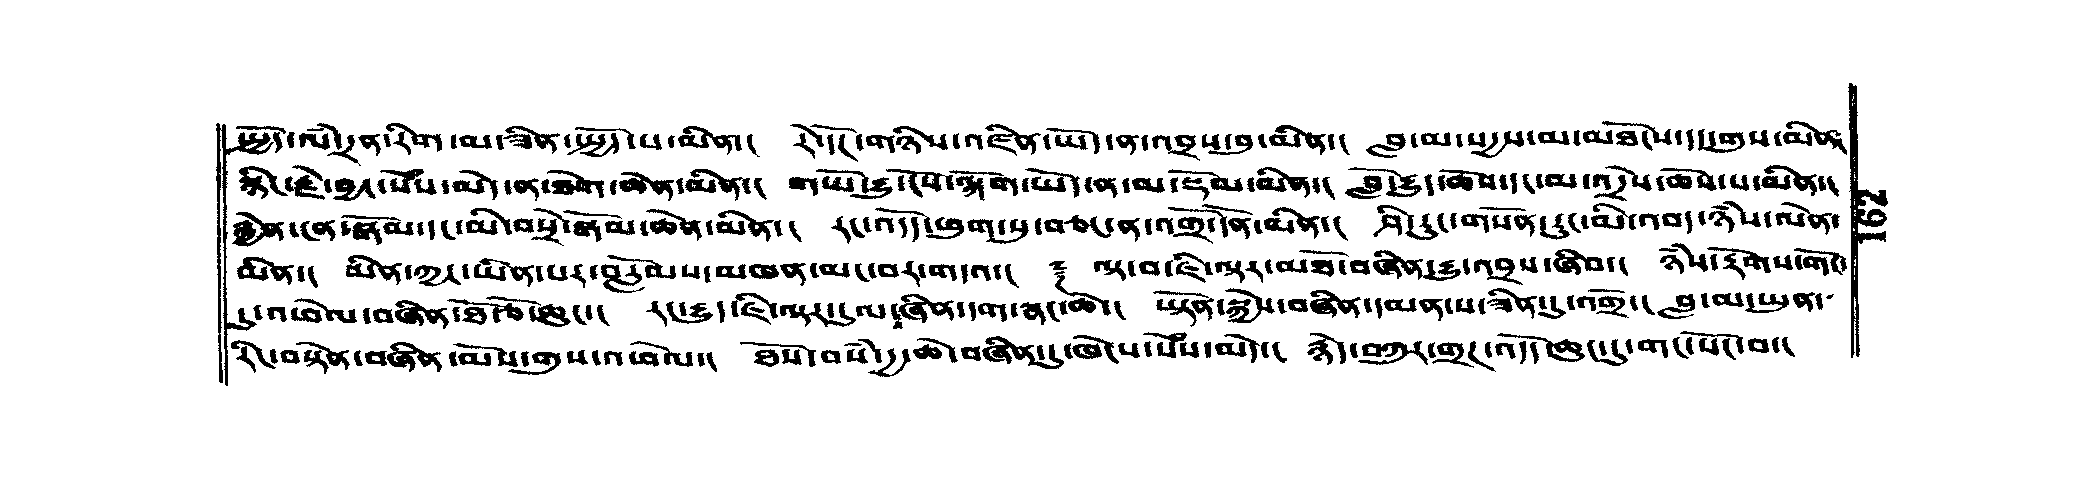།སྤྱོད་ལམ་དྲན་རིག་མ་ཟིན་སྤྱོད་པ་མིན། །རེ་དོགས་གཉིས་འཛིན་ཡོད་ན་འབྲས་བུ་མིན། །བླ་མ་སངས་རྒྱས་མ་མཐོང་དད་གུས་མིན། །
སྙིང་རྗེ་བྱང་སེམས་མེད་ན་ཐེག་ཆེན་མིན། །གཡོ་སྒྱུ་ངོས་ལྐོག་ཡོད་ན་དམ་སྡོམ་མིན། །བློ་རྒྱུད་ཆོས་དང་མ་འདྲེས་ཆོས་པ་མིན། །
རྐྱེན་ངན་སྒོམ་དང་མི་བསྲེ་སྒོམ་ཆེན་མིན། །རང་འདོད་ཕུགས་སུ་བཅངས་ན་འགྲོ་དོན་མིན། །ཤི་རུང་གསོན་རུང་མི་འབད་ཉམས་ལེན་
མིན། །མིན་ཀྱང་ཡིན་པར་བརློམས་མཁན་མང་བར་གདའ། །ལྟ་བ་ཇི་ལྟར་མཐོ་བཞིན་རྒྱུ་འབྲས་ཞིབ། །ཉམས་རྟོགས་གོང་
དུ་འཕེལ་བཞིན་ཐོ་ཅོ་ཆུང། །རང་རྒྱུད་ཇི་ལྟར་དུལ་བཞིན་དག་སྣང་ཆེ། །ཡོན་ཏན་སྐྱེས་བཞིན་དམན་པ་ཟིན་དུ་འགྲོ། །བླ་མ་ཡུན་
རིང་བསྟེན་བཞིན་མོས་གུས་འཕེལ། །ཐོས་བསམ་རྒྱ་ཆེ་བཞིན་དུ་ཁེངས་སེམས་མེད། །རྙེད་བཀུར་གྲགས་འདོད་ཆུང་དུ་གང་སོང་བ།